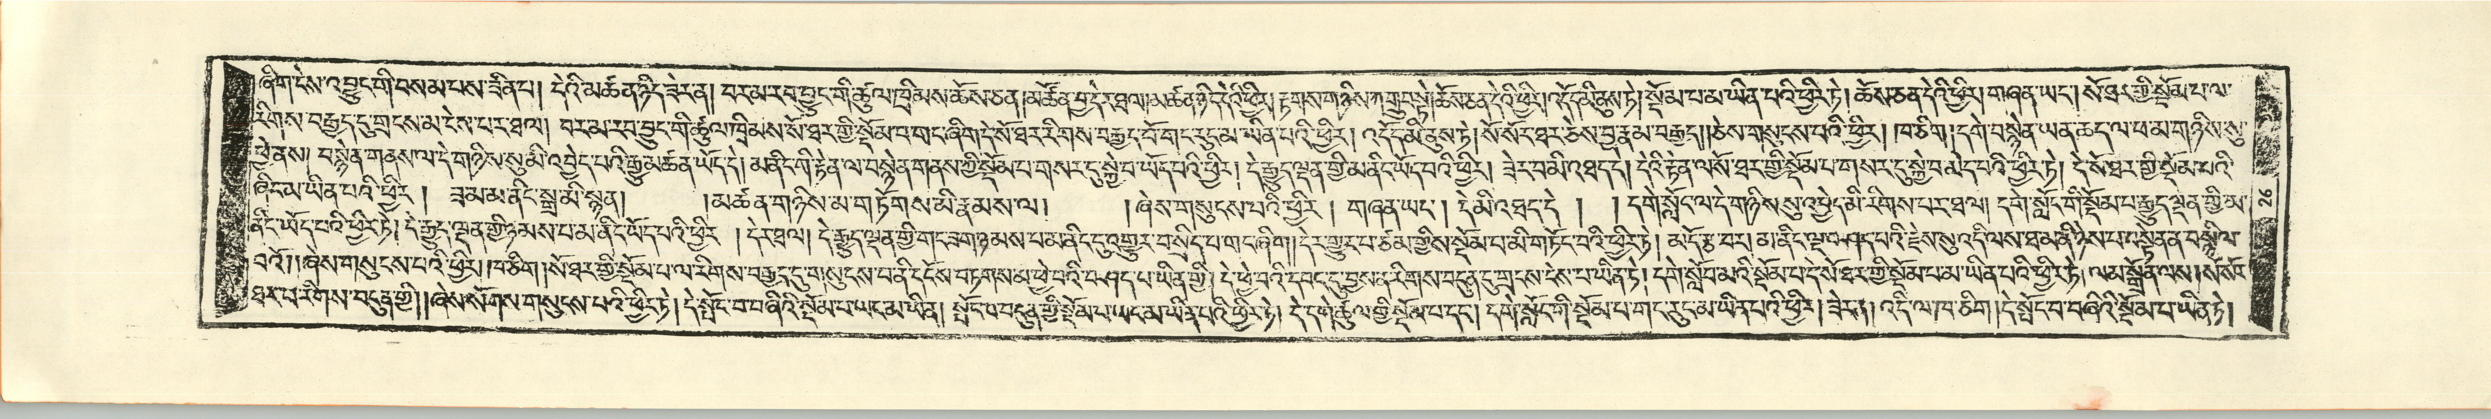ཞིག་ངེས་འབྱུང་གི་བསམ་པས་ཟིན་པ། དེའི་མཚན་ཉིད་ཟེར་ན། བར་མ་རབ་བྱུང་གི་ཚུལ་ཁྲིམས་ཆོས་ཅན། མཚོན་བྱ་དེར་ཐལ། མཚན་ཉིད་དེའི་ཕྱིར། རྟགས་གཉིས་ཀ་གྲུབ་སྟེ། ཆོས་ཅན་དེའི་ཕྱིར། འདོད་མི་ནུས་ཏེ། སྡོམ་པ་མ་ཡིན་པའི་ཕྱིར་ཏེ། ཆོས་ཅན་དེའི་ཕྱིར། གཞན་ཡང་། སོ་ཐར་གྱི་སྡོམ་པ་ལ་
རིགས་བརྒྱད་དུ་གྲངས་མ་ངེས་པར་ཐལ། བར་མ་རབ་བྱུང་གི་ཚུལ་ཁྲིམས་སོ་ཐར་གྱི་སྡོམ་པ་གང་ཞིག་དེ་སོ་ཐར་རིགས་བརྒྱད་པོ་གང་རུང་མ་ཡིན་པའི་ཕྱིར། འདོད་མི་ནུས་ཏེ། སོ་སོར་ཐར་ཅེས་བྱ་རྣམ་བརྒྱད། །ཅེས་གསུངས་པའི་ཕྱིར། ཁ་ཅིག །དགེ་བསྙེན་ཡན་ཆད་ལ་ཕ་མ་གཉིས་སུ་
ཕྱེ་ནས། བསྙེན་གནས་ལ་དེ་གཉིས་སུ་མི་འབྱེད་པའི་རྒྱུ་མཚན་ཡོད་དེ། མ་ནིང་གི་རྟེན་ལ་བསྙེན་གནས་ཀྱི་སྡོམ་པ་གསར་དུ་སྐྱེ་བ་ཡོད་པའི་ཕྱིར། དེ་རྒྱུད་ལྡན་གྱི་མ་ནིང་ཡོད་པའི་ཕྱིར། ཟེར་བ་མི་འཐད་དེ། དེའི་རྟེན་ལ་སོ་ཐར་གྱི་སྡོམ་པ་གསར་དུ་སྐྱེ་བ་མེད་པའི་ཕྱིར་ཏེ། དེ་སོ་ཐར་གྱི་སྡོམ་པའི་
ཞིང་མ་ཡིན་པའི་ཕྱིར། ཟ་མ་མ་ནིང་སྒྲ་མི་སྙན། །མཚན་གཉིས་མ་གཏོགས་མི་རྣམས་ལ། །ཞེས་གསུངས་པའི་ཕྱིར། གཞན་ཡང་། དེ་མི་འཐད་དེ། །དགེ་སློང་ལ་དེ་གཉིས་སུ་འབྱེད་མི་རིགས་པར་ཐལ། དགེ་སློང་གི་སྡོམ་པ་རྒྱུད་ལྡན་གྱི་མ་
ནིང་ཡོད་པའི་ཕྱིར་ཏེ། དེ་རྒྱུད་ལྡན་གྱི་ཉམས་པ་མ་ནིང་ཡོད་པའི་ཕྱིར། དེར་ཐལ། དེ་རྒྱུད་ལྡན་གྱི་གང་ཟག་ཉམས་པ་མ་ནིང་དུ་འགྱུར་བ་སྲིད་པ་གང་ཞིག །དེར་གྱུར་པ་ཙམ་གྱིས་སྡོམ་པ་མི་གཏོང་བའི་ཕྱིར་ཏེ། མདོ་རྩ་བར། མ་ནིང་ལྔ་བཤད་པའི་རྗེས་སུ་འདི་ལས་ཐ་མ་ནི་ཉེས་པ་བསྟེན་ན་བསྙིལ་
བའོ། །ཞེས་གསུངས་པའི་ཕྱིར། ཁ་ཅིག །སོ་ཐར་གྱི་སྡོམ་པ་ལ་རིགས་བརྒྱད་དུ་གསུངས་པ་ནི་དངོས་བཏགས་མ་ཕྱེ་བའི་བཤད་པ་ཡིན་གྱི། དེ་ཕྱེ་བའི་དབང་དུ་བྱས་ན་རིགས་བདུན་དུ་གྲངས་ངེས་པ་ཡིན་ཏེ། དགེ་སློབ་མའི་སྡོམ་པ་དེ་སོ་ཐར་གྱི་སྡོམ་པ་མ་ཡིན་པའི་ཕྱིར་ཏེ། ལམ་སྒྲོན་ལས། སོ་སོར་
ཐར་པ་རིགས་བདུན་གྱི། །ཞེས་སོགས་གསུངས་པའི་ཕྱིར་ཏེ། དེ་སྤོང་བ་བཞིའི་སྡོམ་པ་ཡང་མ་ཡིན། སྤོང་བ་བདུན་གྱི་སྡོམ་པ་ཡང་མ་ཡིན་པའི་ཕྱིར་ཏེ། དེ་དགེ་ཚུལ་གྱི་སྡོམ་པ་དང་། དགེ་སློང་གི་སྡོམ་པ་གང་རུང་མ་ཡིན་པའི་ཕྱིར། ཟེར་ན། འདི་ལ་ཁ་ཅིག །དེ་སྤོང་བ་བཞིའི་སྡོམ་པ་ཡིན་ཏེ།